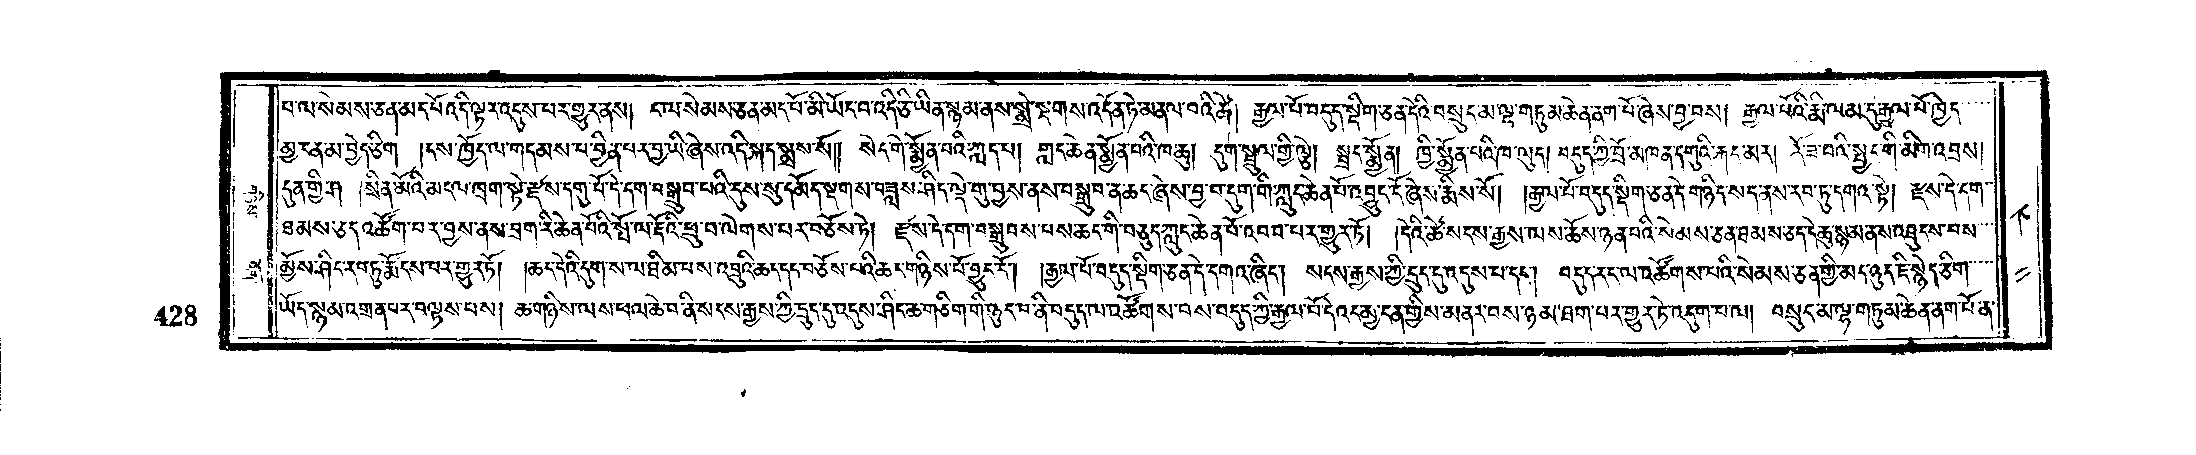པ་ལ་སེམས་ཅན་མང་པོ་འདི་ལྟར་འདུས་པར་གྱུར་ནས། ང་ལ་སེམས་ཅན་མང་པོ་མི་ཡོང་བ་འདི་ཅི་ཡིན་སྙམ་ནས་སྨྲེ་སྔགས་འདོན་ཏེ་མནལ་བའི་ཚེ། རྒྱལ་པོ་བདུད་སྡིག་ཅན་དེའི་བསྲུང་མ་ལྷ་གཏུམ་ཆེན་ནག་པོ་ཞེས་བྱ་བས། རྒྱལ་པོའི་རྨི་ལམ་དུ་རྒྱལ་པོ་ཁྱེད་
མྱ་ངན་མ་བྱེད་ཅིག །ངས་ཁྱོད་ལ་གདམས་པ་བྱིན་པར་བྱ་ཡི་ཞེས་འདི་སྐད་སྨྲས་སོ།། སེང་གེ་སྨྱོན་པའི་ཀླད་པ། གླང་ཆེན་སྨྱོན་པའི་ཁ་ཆུ། དུག་སྤྲུལ་གྱི་ལྕེ། སྦྲང་སྨྱོན། ཁྱི་སྨྱོན་པའི་ཁ་ལུང་། བདུད་ཀྱི་བྲོ་མཁན་དགུའི་རྐང་མར། རོ་ཟ་བའི་སྤྱང་གི་མིག་འབྲས།
དུན་གྱི་ཤ་།སྲིན་མོའི་མངལ་ཁྲག་སྟེ་རྫས་དགུ་པོ་དེ་དག་བསྒྲུབ་པའི་དུས་སུ་དམོད་སྡགས་བཟླས་ཤིང་ལྡེ་གུ་བྱས་ནས་བསྒྲུབ་ན་ཆང་ཞེས་བྱ་བ་དུག་གི་ཀླུང་ཆེན་པོ་འབྱུང་ངོ་ཞེས་རྨིས་སོ། །རྒྱལ་པོ་བདུད་སྡིག་ཅན་དེ་གཉིད་སད་ནས་རབ་ཏུ་དགའ་སྟེ། རྫས་དེ་དག་
ཐམས་ཅད་འཚོག་པར་བྱས་ནས་བྲག་རི་ཆེན་པོའི་སྤོ་ལ་རྡོའི་ཕྲུ་བ་ལེགས་པར་བཅོས་ཏེ། རྫས་དེ་དག་བསྒྲུབས་པས་ཆང་གི་བཅུད་ཀླུང་ཆེན་པོ་འབབ་པར་གྱུར་ཏོ། །དེའི་ཚེ་སངས་རྒྱས་ལས་ཆོས་ཉན་པའི་སེམས་ཅན་ཐམས་ཅད་དེ་ཆུ་སྙམ་ནས་འཐུངས་བས་
མྱོས་ཤིང་རབ་ཏུ་རྨོངས་པར་གྱུར་ཏོ། །ཆང་དེའི་དུག་ས་ལ་ཐིམ་པས་འབྲུའི་ཆང་དང་བཅོས་པའི་ཆང་གཉིས་པོ་བྱུང་ངོ། །རྒྱལ་པོ་བདུད་སྡིག་ཅན་དེ་དགའ་ཞིང་། སངས་རྒྱས་ཀྱི་དྲུང་དུ་འདུས་པ་དང་། བདུད་རང་ལ་འཚོགས་པའི་སེམས་ཅན་གྱི་མང་ཉུང་ཇི་སྙེད་ཅིག་
ཡོད་སྙམ་འགྲན་པར་བལྟས་པས། ཆ་གཉིས་ལས་ཕལ་ཆེ་བ་ནི་སངས་རྒྱས་ཀྱི་དྲུང་དུ་འདུས་ཤིང་ཆ་གཅིག་གི་ཉུང་བ་ནི་བདུད་ལ་འཚོགས་པས་བདུད་ཀྱི་རྒྱལ་པོ་དེའང་མྱ་ངན་གྱིས་མནར་བས་ཉམ་ཐག་པར་གྱུར་ཏེ་འདུག་པ་ལ། བསྲུང་མ་ལྷ་གཏུམ་ཆེན་ནག་པོ་ན་